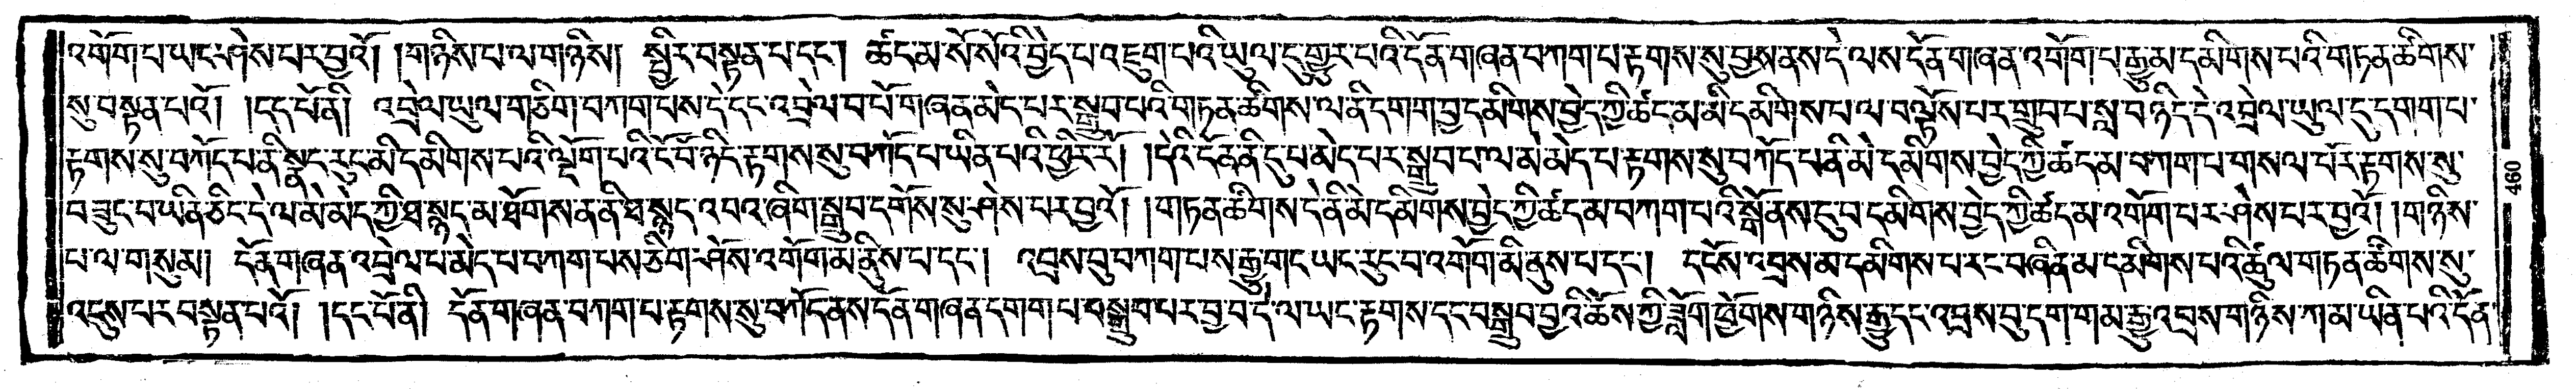འགོག་པ་ཡང་ཤེས་པར་བྱའོ། །གཉིས་པ་ལ་གཉིས། སྤྱིར་བསྟན་པ་དང་། ཚད་མ་སོ་སོའི་བྱེད་པ་འཇུག་པའི་ཡུལ་དུ་གྱུར་པའི་དོན་གཞན་བཀག་པ་རྟགས་སུ་བྱས་ནས་དེ་ལས་དོན་གཞན་འགོག་པ་རྒྱུ་མ་དམིགས་པའི་གཏན་ཚིགས་
སུ་བསྟན་པའོ། །དང་པོ་ནི། འབྲེལ་ཡུལ་གཅིག་བཀག་པས་དེ་དང་འབྲེལ་བ་པོ་གཞན་མེད་པར་སྒྲུབ་པའི་གཏན་ཚིགས་ལ་ནི་དགག་བྱ་དམིགས་བྱེད་ཀྱི་ཚད་མ་མི་དམིགས་པ་ལ་བལྟོས་པར་གྲུབ་པ་སླ་བ་ཉིད་དེ་འབྲེལ་ཡུལ་དུ་དགག་པ་
རྟགས་སུ་བཀོད་པ་ནི་སྣང་རུང་མི་དམིགས་པའི་ལྡོག་པའི་ངོ་བོ་ཉིད་རྟགས་སུ་བཀོད་པ་ཡིན་པའི་ཕྱིར་རོ། །དེའི་དོན་ནི་དུ་བ་མེད་པར་སྒྲུབ་པ་ལ་མེ་མེད་པ་རྟགས་སུ་བཀོད་པ་ནི་མེ་དམིགས་བྱེད་ཀྱི་ཚད་མ་བཀག་པ་གསལ་པོར་རྟགས་སུ་
བཟུང་བ་ཡིན་ཅིང་དེ་ལ་མེ་མེད་ཀྱི་ཐ་སྙད་མ་ཐོགས་ན་ནི་ཐ་སྙད་འབའ་ཞིག་སྒྲུབ་དགོས་སུ་ཤེས་པར་བྱའོ། །གཏན་ཚིགས་དེ་ནི་མེ་དམིགས་བྱེད་ཀྱི་ཚད་མ་བཀག་པའི་སྒོ་ནས་དུ་བ་དམིགས་བྱེད་ཀྱི་ཚད་མ་འགོག་པར་ཤེས་པར་བྱའོ། །གཉིས་
པ་ལ་གསུམ། དོན་གཞན་འབྲེལ་པ་མེད་པ་བཀག་པས་ཅིག་ཤོས་འགོག་མི་ནུས་པ་དང་། འབྲས་བུ་བཀག་པས་རྒྱུ་གང་ཡང་རུང་བ་འགོག་མི་ནུས་པ་དང་། དངོས་འབྲས་མ་དམིགས་པ་རང་བཞིན་མ་དམིགས་པའི་ཚུལ་གཏན་ཚིགས་སུ་
འདུས་པར་བསྟན་པའོ། །དང་པོ་ནི། དོན་གཞན་བཀག་པ་རྟགས་སུ་བཀོད་ནས་དོན་གཞན་དགག་པ་བསྒྲུབ་པར་བྱ་བ་དེ་ལ་ཡང་རྟགས་དང་བསྒྲུབ་བྱའི་ཆོས་ཀྱི་ཟློག་ཕྱོགས་གཉིས་རྒྱུ་དང་འབྲས་བུ་དག་གམ་རྒྱུ་འབྲས་གཉིས་ཀ་མ་ཡིན་པའི་དོན་